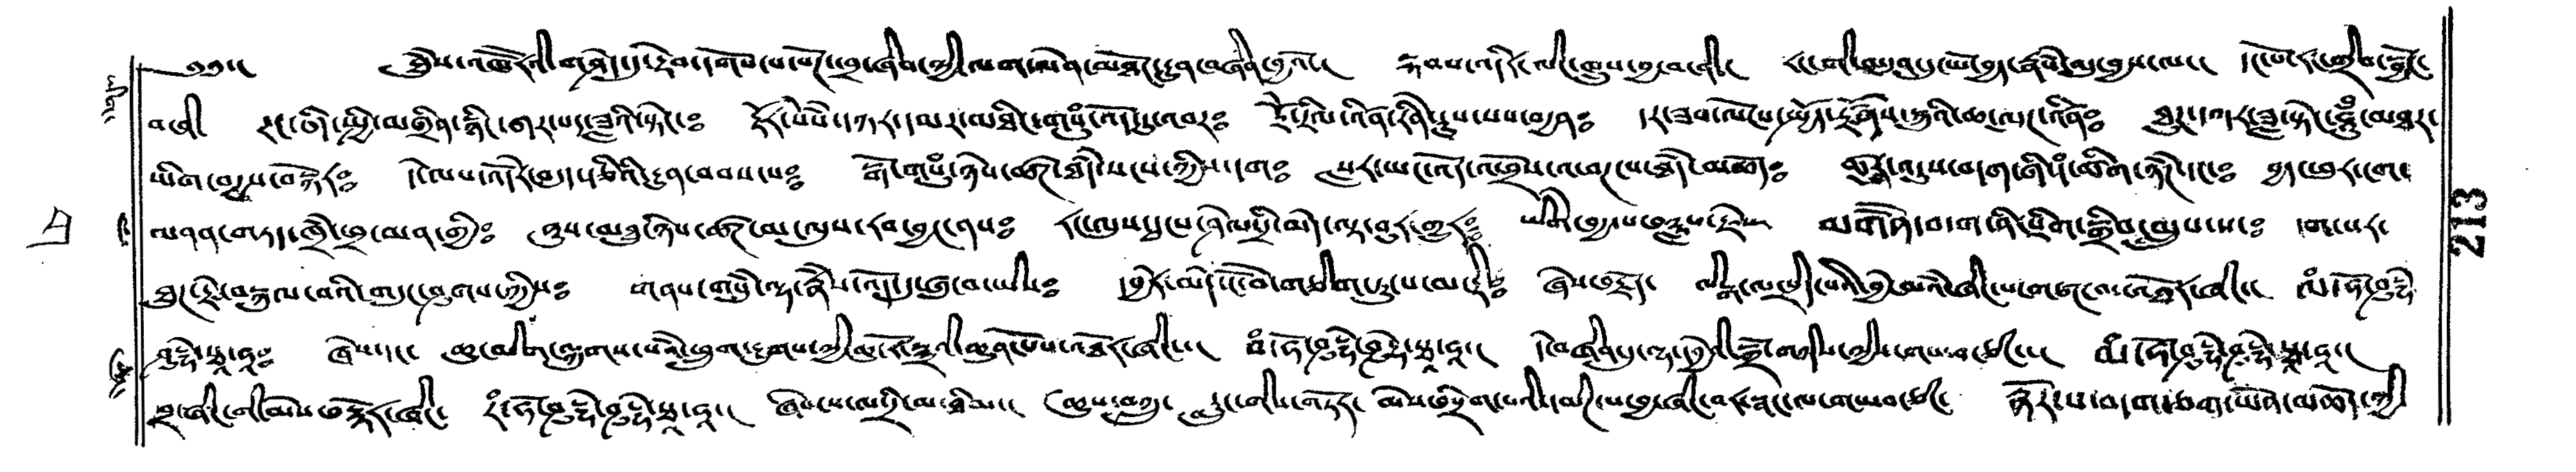ཐུམས་འཁོར་ལོའི་གཤེད་དུ་རྡེབ་དགོས་པ་སོགས་ཕྲ་ཞིབ་ཀྱི་ལག་ལེན་མཐོང་རྒྱུན་བཞིན་བྱའོ།། སྐབས་འདིར་ལིང་ཁྲུས་བྱ་བ་ནི། རང་གི་མདུན་དུ་ཡོ་བྱད་རྣམས་འདུ་བྱས་ལ། དང་པོ་རང་གྲིབ་སྦྱོང་
བ་ནི། རང་གི་སྤྱི་མགྲིན་སྙིང་གར་པད་ཟླའི་སྟེང་། །རྡོར་སེམས་དཀར་དམར་མཐིང་གསུམ་འོད་དུ་འབར། །རྡོ་རྗེ་དྲིལ་འཛིན་རིན་ཆེན་རུས་པས་བརྒྱན། །དར་ཟབ་ལོངས་སྤྱོད་རྫོགས་སྐུའི་ཆ་ལུགས་འཛིན། །ཐུགས་དཀར་ཟླ་སྟེང་ཧཱུྂ་མཐར་
ཡིག་བརྒྱས་བསྐོར། །དེ་ལས་འོད་ཟེར་བདུད་རྩིའི་རྒྱུན་བབས་པས། །སྒོ་གསུམ་ཉེས་ཚོགས་ཐམས་ཅད་སངས་ཀྱིས་དག།སླར་ཡང་འོད་འཕྲོས་འཕགས་པ་ཐམས་ཅད་མཆོད། །ཚུར་འདུས་བདག་གི་དམ་ཚིག་ཉམས་ཆགས་དང་། །བྱད་ཕུར་ངག་
མནན་གཏད་ཁྲམ་ཕྲ་མན་གྱི། །ནུས་མཐུ་ཉེས་ཚོགས་མ་ལུས་རབ་བྱང་ནས། །རང་ལུས་དྭངས་ཤེལ་དྲི་མེད་ལྟ་བུར་གྱུར། ཡིག་གེ་བརྒྱ་པ་བཟླས་རྗེས། མགོན་པོ་བདག་ནི་སྡིག་སྒྲིབ་མ་ལུས་པ༔ དག་པར་
ཐུགས་རྗེ་བསྐུལ་བའི་གདུང་ཤུགས་ཀྱིས༔ གནས་གསུམ་ལྷ་རྣམས་འོད་དུ་ཞུ་བ་ཡིས༔ དབྱེར་མེད་ངོ་བོ་གཅིག་ཏུ་ས་མ་དྷི༔ ཞེས་བརྗོད། ལིངྒ་ལ་སྲིད་པའི་བྱེ་མའམ་ཞིང་ས་གཙང་མ་འཐོར་ཞིང་། ལཾ་ཧོ་ཤུདྡྷེ་
ཤུདྡྷེ་སྭ་ཧཱ། ཞེས་དང་། ཆུ་མིག་ལྐུགས་པའམ་ཕྱུག་རྒྱུགས་ཀྱི་ཆུ་རོ་སྐྲའི་ཆུན་པོས་འཐོར་ཞིང་། བཾ་ཧོ་ཤུདྡྷེ་ཤུདྡྷེ་སྭ་ཧཱ། དེ་བཞིན་དུ་ལྷ་དབྱེའི་སྒྲོ་གཉིས་ཀྱིས་གཡབ་ཅིང་། ཡཾ་ཧོ་ཤུདྡྷེ་ཤུདྡྷེ་སྭ་ཧཱ། 
བྲ་ཞིང་གི་མེས་བསྐོར་ཞིང་། རཾ་ཧོ་ཤུདྡྷེ་ཤུདྡྷེ་སྭ་ཧཱ། ཞེས་པ་ལ་དྲི་མ་ཐིམ། ཆུས་བཀྲུ། རླུང་གིས་གཏོར། མེས་བསྲེག་པའི་དམིགས་པ་བྱ་ཞིང་བར་སྣང་ལ་གཡབ་ཅིང་། རྣལ་འབྱོར་པ་བདག་ཅག་ཡོན་མཆོད་ཀྱི་